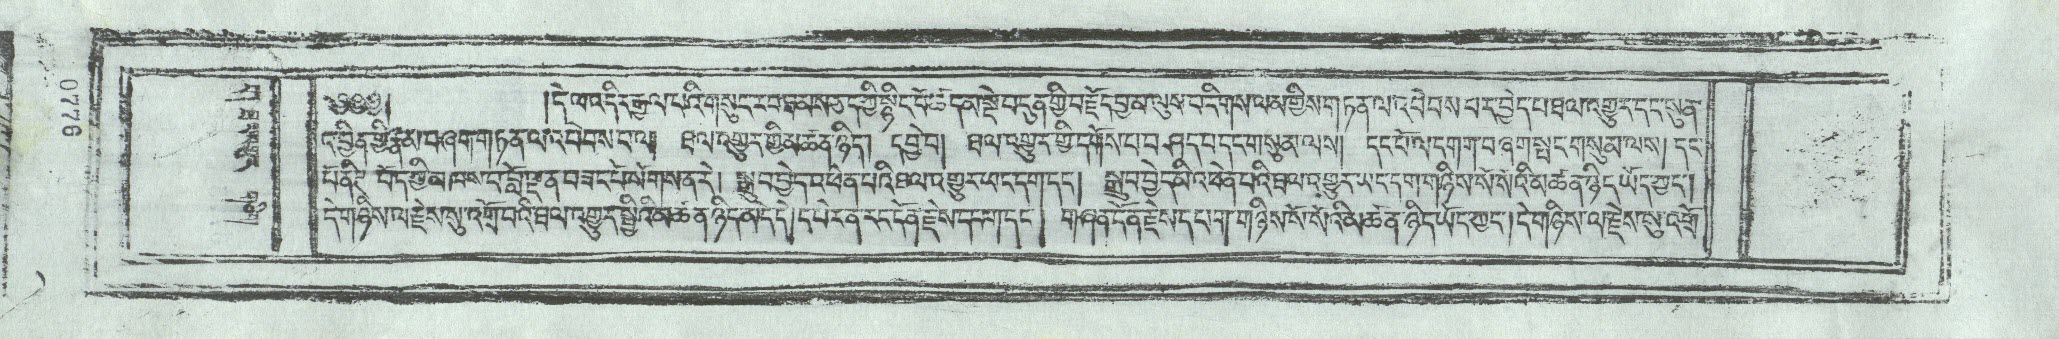༄༅༅། །དེ་ལ་འདིར་རྒྱལ་པའི་གསུང་རབ་ཐམས་ཅད་ཀྱི་སྙིང་པོ་ཚད་མ་སྡེ་བདུན་གྱི་བརྗོད་བྱ་མ་ལུས་པ་རིགས་ལམ་གྱིས་གཏན་ལ་འབེབས་པར་བྱེད་པ་ཐལ་འགྱུར་དང་སུན་
འབྱིན་གྱི་རྣམ་བཞག་གཏན་ལ་འབེབས་པ་ལ། ཐལ་འགྱུར་གྱི་མཚན་ཉིད། དབྱེ་བ། ཐལ་འགྱུར་གྱི་དགོས་པ་བཤད་པ་དང་གསུམ་ལས། དང་པོ་ལ་དགག་བཞག་སྤང་གསུམ་ལས། དང་
པོ་ནི༑ བོད་ཀྱི་མཁས་པ་བློ་ལྡན་བཟང་པོ་སོགས་ན་རེ། སྒྲུབ་བྱེད་འཕེན་པའི་ཐལ་འགྱུར་ཡང་དག་དང་། སྒྲུབ་བྱེད་མི་འཕེན་པའི་ཐལ་འགྱུར་ཡང་དག་གཉིས་སོ་སོའི་མཚན་ཉིད་ཡོད་ཀྱང་།
དེ་གཉིས་ལ་རྗེས་སུ་འགྲོ་བའི་ཐལ་འགྱུར་སྤྱིའི་མཚན་ཉིད་མེད་དེ། དཔེར་ན་རང་དོན་རྗེས་དཔག་དང་། གཞན་དོན་རྗེས་དཔག་གཉིས་སོ་སོའི་མཚན་ཉིད་ཡོད་ཀྱང་། དེ་གཉིས་ལ་རྗེས་སུ་འགྲོ་